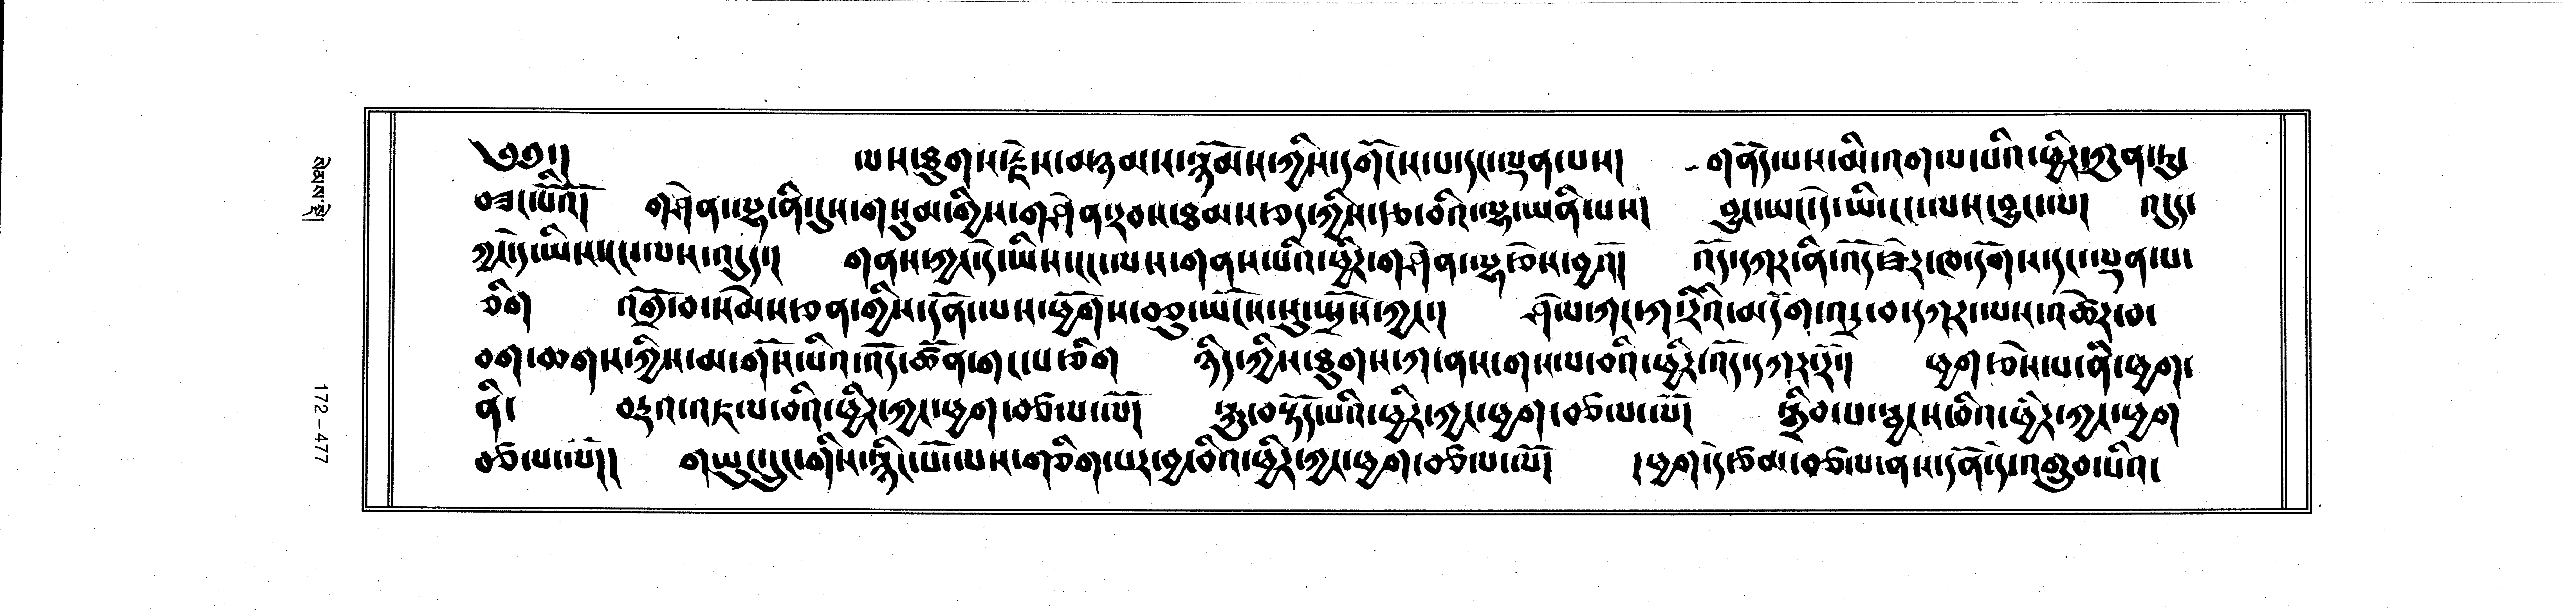ལས་ཐུགས་རྗེས་མཉམ་སྙོམས་ཀྱིས་དགོངས་པ་དང་ལྡན་པས། གནོད་པས་མི་འགལ་པའི་ཕྱིར་ཀུན་དུ་
བཟང་པོའོ། གཤེན་ལྷ་ནི་དུས་གསུམ་གྱིས་གཤེན་རབ་ཐམས་ཅད་ཀྱིས་རྩ་བའི་ལྷ་ཡིན་པས། བྱུང་ཡང་དེ་ཡི་ངང་ལས་བྱུང་ལ། འདུད་
ཀྱང་དེ་ཡིས་ངང་ལས་འདུད། གནས་ཀྱང་དེ་ཡིས་ངང་ལས་གནས་པའི་ཕྱིར་གཤེན་ལྷ་ཅེས་བྱའོ། འོད་དཀར་ནི་འོད་ཟེར་ཁ་དོགས་དང་ལྡན་པ་
ཅིག འགྲོ་བ་སེམས་ཅན་གྱིས་དོན་ལས་ཕྱོགས་བཅུ་ཡོངས་སུ་སྤྲོས་ཀྱང་། ཤེལ་ཀང་ཀ་རིའི་མདོག་འདྲ་བ་དཀར་ལས་འཚེར་བ་
བག་ཆགས་ཀྱིས་མ་གོས་པའི་འོད་ཚོན་གང་པ་ཅིག ཉིད་ཀྱིས་ཐུགས་ཀ་ནས་གསལ་བའི་ཕྱིར་འོད་དཀར་རོ། ཕྱག་ཅེས་པ་ནི་ཕྱག་
ནི། བརྡའ་འཇལ་བའི་ཕྱིར་ཀྱང་ཕྱག་བཙལ་ལོ། སྐུ་བསྟོད་པའི་ཕྱིར་ཀྱང་ཕྱག་བཙལ་ལོ། སྒྲིབ་པ་སྦྱངས་བའི་ཕྱིར་ཀྱང་ཕྱག་
བཙལ་ལོ། གཡུང་དྲུང་གིས་སྙིང་པོ་ལས་གཅིག་པར་བྱ་བའི་ཕྱིར་ཀྱང་ཕྱག་བཙལ་ལོ། ཕྱག་དེ་ཙམ་བཙལ་ནས་དོན་དེ་འགྲུབ་པའི་